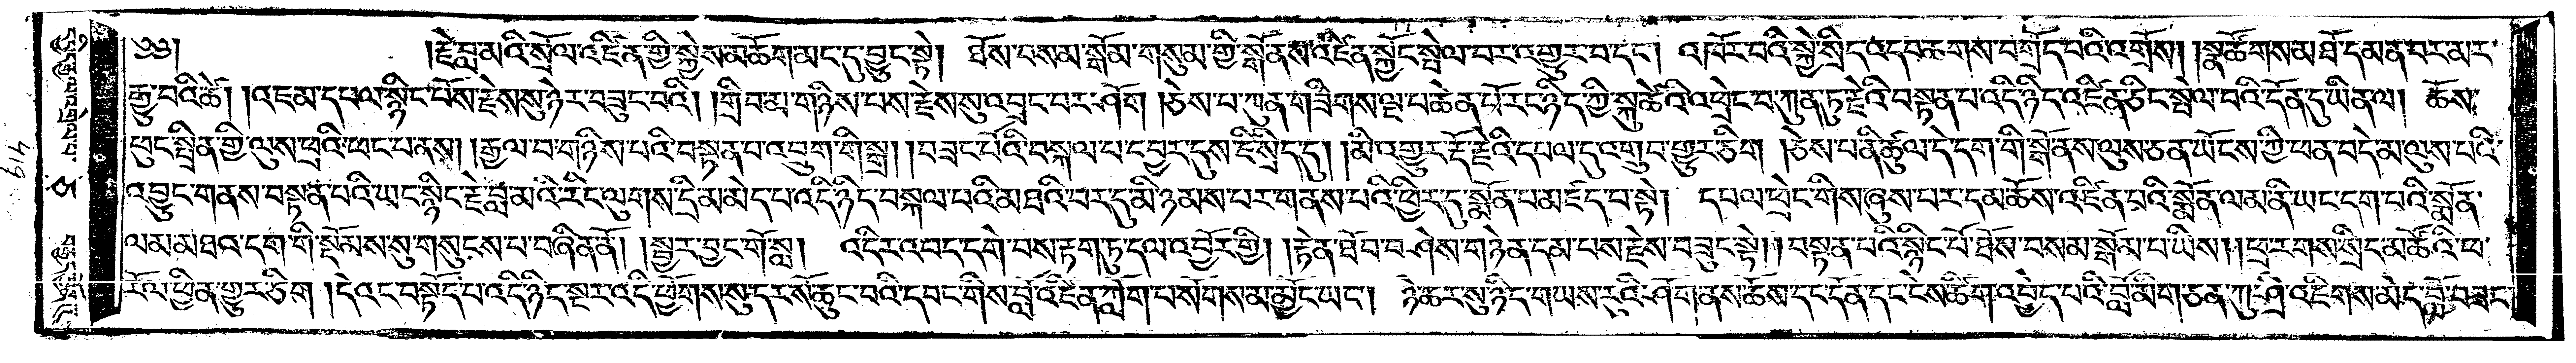༄༅། །རྗེ་བླ་མའི་སྲོལ་འཛིན་གྱི་སྐྱེས་མཆོག་མང་དུ་བྱུང་སྟེ། ཐོས་བསམ་སྒོམ་གསུམ་གྱི་སྒོ་ནས་འཛིན་སྐྱོང་སྤེལ་བར་འགྱུར་བ་དང་། འཁོར་བའི་སྐྱེ་སྲིད་འདབ་ཆགས་བགྲོད་པའི་འགྲོས། །སྣ་ཚོགས་མཐོ་དམན་བར་མར་
རྒྱུ་བའི་ཚེ། །འཇམ་དཔལ་སྙིང་པོས་རྗེས་སུ་ཉེར་བཟུང་བའི། །གྲིབ་མ་གཉིས་པས་རྗེས་སུ་འབྲང་བར་ཤོག །ཅེས་པ་ཀུན་གཟིགས་ལྔ་པ་ཆེན་པོ་རང་ཉིད་ཀྱི་སྐུ་ཚེའི་འཕྲེང་བ་ཀུན་ཏུ་རྗེའི་བསྟན་པ་འདི་ཉིད་འཛིན་ཅིང་སྔེལ་བའི་དོན་དུ་ཡིན་ལ། ཆོས་
ཕུང་སྤྲིན་གྱི་ལུང་ཕྲའི་ཕང་པ་ནས། །རྒྱལ་བ་གཉིས་པའི་བསྟན་བ་འབྲུག་གི་སྒྲ། །བཟང་པོའི་བསྐལ་པ་དབྱར་དུས་ཇི་སྲིད་དུ། །མི་འགྱུར་རྡོ་རྗེའི་དཔལ་དུ་འགྲུབ་གྱུར་ཅིག །ཅེས་པ་ནི་ཚུལ་དེ་དག་གི་སྒོ་ནས་ལུས་ཅན་ཡོངས་ཀྱི་ཕན་བདེ་མ་ལུས་པའི་
འབྱུང་གནས་བསྟན་པའི་ཡང་སྙིང་རྗེ་བླ་མའི་རིང་ལུགས་དྲི་མ་མེད་པ་འདི་ཉིད་བསྐལ་པའི་མཐའི་བར་དུ་མི་ཉམས་པར་གནས་པའི་ཕྱིར་དུ་སྨོན་པ་མཛད་པ་སྟེ། དཔལ་ཕྲེང་གིས་ཞུས་པར་དམ་ཆོས་འཛིན་པའི་སྨོན་ལམ་ནི་ཡང་དག་པའི་སྨོན་
ལམ་མཐའ་དག་གི་སྔོམས་སུ་གསུངས་པ་བཞིན་ནོ། །སྦྱར་བྱང་གོ་སླ། འདིར་འབང་དགེ་བས་རྟག་ཏུ་དལ་འབྱོར་གྱི། །རྟེན་ཐོབ་བཤེས་གཉེན་དམ་པས་རྗེས་བཟུང་སྟེ། བསྟན་པའི་སྙིང་པོ་ཐོས་བསམ་སྒོམ་པ་ཡིས། །ཕྲ་རགས་སྲིང་མཚོའི་ཕ་
རོལ་ཕྱིན་གྱུར་ཅིག །དེའང་བསྟོང་པ་འདི་ཉིད་སྔར་འདི་ཕྱོགས་སུ་དར་སོ་ཆུང་བའི་དབང་གིས་བློ་འཛིན་ཀློག་པ་སོགས་མ་མྱོང་ཡང་། ཉེ་ཆར་སུ་ཉིད་གཡས་རུའི་ཤོག་ནས་ཆོས་དང་དོན་དང་ངེས་ཚིག་འབྱེད་པའི་བློ་མིག་ཅན་ཀུ་ཤི་འཇིགས་མེད་བློ་བཟང་